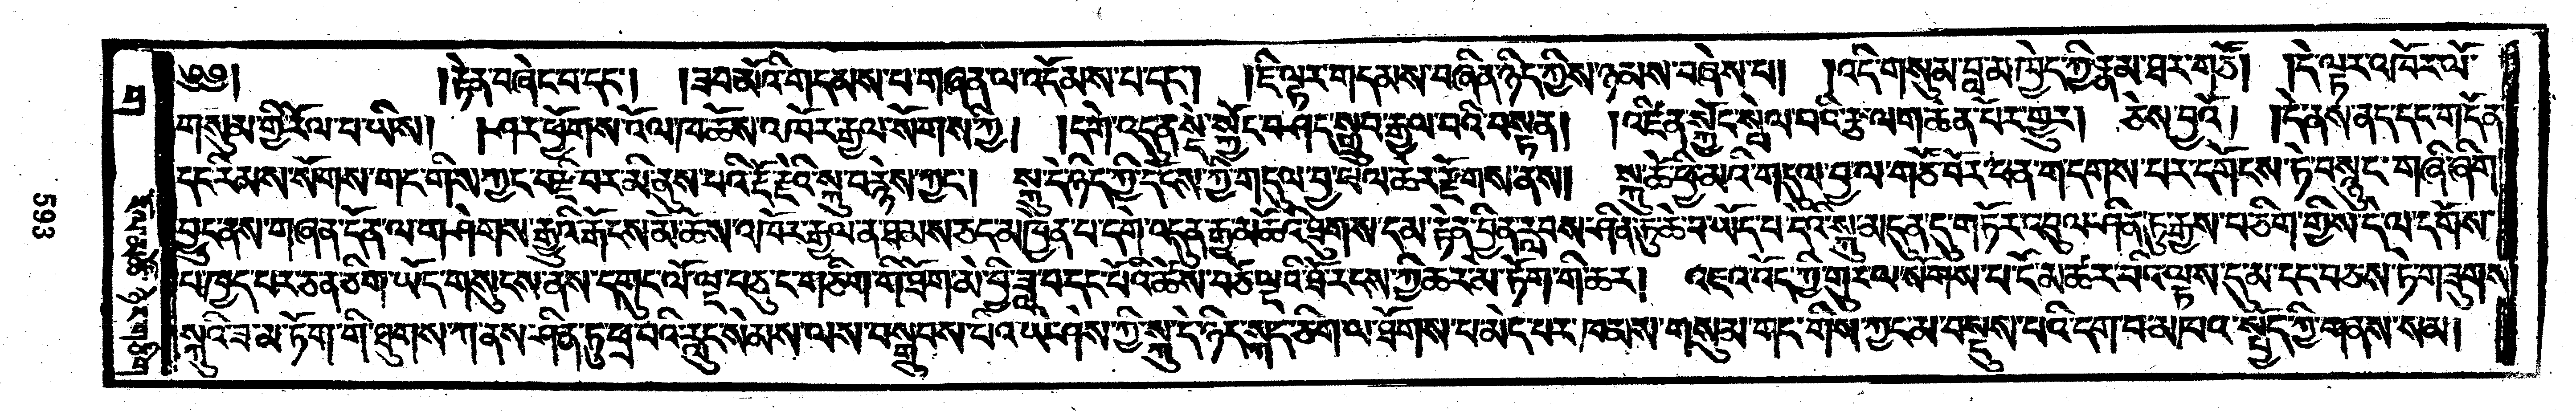༄༅། །རྟེན་བཞེང་བ་དང་། །ཟབ་མོའི་གདམས་པ་གཞན་ལ་འདོམས་པ་དང་། །ཇི་ལྟར་གདམས་བཞིན་ཉིད་ཀྱིས་ཉམས་བཞེས་པ། །འདི་གསུམ་བླ་མཁྱེད་ཀྱི་རྣམ་ཐར་གཙོ། །དེ་ལྟར་འཁོར་ལོ་
གསུམ་གྱི་རོལ་པ་ཡིས། །ཤར་ཕྱོགས་འོལ་ཁ་ཆོས་འཁོར་རྒྱལ་སོགས་ཀྱི། །དགེ་འདུན་སྡེ་སྐྱོང་བཤད་སྒྲུབ་རྒྱལ་བའི་བསྟན། །འཛིན་སྐྱོང་སྤེལ་བའི་རྩ་ལག་ཆེན་པོར་གྱུར། ཅེས་བྱའོ། །དེ་ནས་ནད་དང་གདོན་
དང་རིམས་སོགས་གང་གིས་ཀྱང་བརྫི་བར་མི་ནུས་པའི་རྡོ་རྗེའི་སྐུ་བརྙེས་ཀྱང་། སྐུ་དེ་ཉིད་ཀྱི་དངོས་ཀྱི་གདུལ་བྱ་ཕལ་ཆེར་རྫོགས་ནས། སྐུ་ཚེ་ཕྱི་མའི་གདུལ་བྱ་ལ་གཙོ་བོར་ཕན་ག་དགས་པར་དགོངས་ཏེ་བསྙུང་གཞི་ཞིག་
བྱུང་ནས་གཞན་དོན་ལ་གཤེགས་རྒྱུའི་རྒོངས་མོ་ཆོས་འཁོར་རྒྱལ་ན་ཐམས་ཅད་མཁྱེན་པ་དགེ་འདུན་རྒྱ་མཆོའི་ཐུགས་དམ་རྟེན་བྱིན་རླབས་ཤིན་ཏུ་ཆེ་བ་ཡོད་པ་དེའི་སྐུ་མདུན་དུ་གཏོར་འབུལ་ཤིན་ཏུ་རྒྱས་པ་ཅིག་གྱིས་དེ་ལ་དགོས་
པ་ཁྱད་པར་ཅན་ཅིག་ཡོད་གསུངས་ནས་དགུང་ལོ་ལྔ་བཅུ་ང་གཅིག་གི་ཐོག་མེ་བྱི་ཟླ་བ་དང་པོའི་ཚེས་བཅོ་ལྔའི་ཐོ་རངས་ཀྱི་ཆར་མེ་ཏོག་གི་ཆར། འཇའ་འོད་ཀྱི་གུར་ལ་སོགས་པ་ངོ་མཚར་བའི་ལྟས་དུ་མ་དང་བཅས་ཏེ་གཟུགས་
སྐུའི་ཟ་མ་ཏོག་གི་ཐུགས་ཀ་ནས་ཤིན་ཏུ་ཕྲ་བའི་རླུང་སེམས་ལས་བསྒྲུབས་པའི་ཡེ་ཤེས་ཀྱི་སྐུ་དེ་ཉིད་སྐད་ཅིག་ལ་ཐོགས་པ་མེད་པར་ཁས་གསུམ་གང་གིས་ཀྱང་མ་བསྡུས་པའི་དག་བ་མཁའ་སྤྱོད་ཀྱི་གནས་སམ།